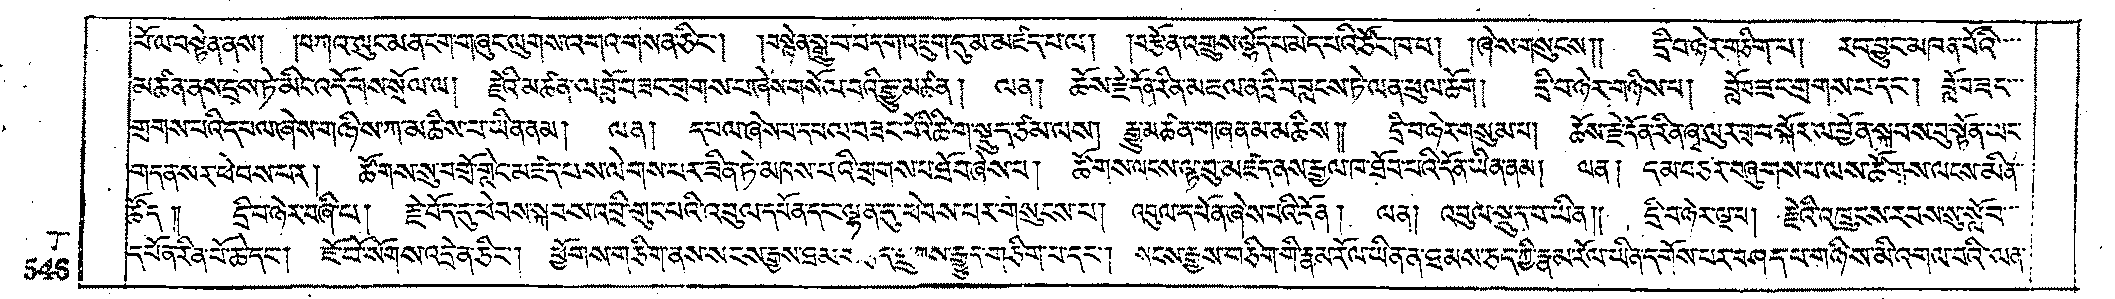པོ་ལ་བསྟེན་ནས། །བཀའ་ལུང་མན་ངག་གཞུང་ལུགས་འགའ་གསན་ཅིང་། །བསྙེན་སྒྲུབ་བདག་འཇུག་དུ་མ་མཛད་པ་ལ། །བརྩོན་འགྲུས་ལྷོད་པ་མེད་པའི་ཙོང་ཁ་པ། །ཞེས་གསུངས།། དྲི་བ་ཉེར་གཅིག་པ། རབ་བྱུང་མཁན་པོའི་་་
མཚན་ནས་དྲས་ཏེ་མིང་འདོགས་སྲོལ་ལ། རྗེའི་མཚན་ལ་བློ་བཟང་གྲགས་པ་ཞེས་གསོལ་བའི་རྒྱུ་མཚན། ལན། ཆོས་རྗེ་དོན་རིན་མཇལ་ན་དྲི་བ་བླངས་ཏེ་ལན་ཕུལ་ཆོག། དྲི་བ་ཉེར་གཉིས་པ། བློ་བཟང་གྲགས་པ་དང་། བློ་བཟང་
གྲགས་པའི་དཔལ་ཞེས་གཉིས་ཀ་མཆིས་པ་ཡིན་ནམ། ལན། དཔལ་ཞེས་པ་དཔལ་བཟང་པོའི་ཚིག་སྡུད་ཙམ་ལས། རྒྱུ་མཚན་གཞན་མ་མཆིས།། དྲི་བ་ཉེར་གསུམ་པ། ཆོས་རྗེ་དོན་རིན་ཞྭ་ལུར་གྲ་བསྐོར་ལ་བྱོན་སྐབས་བུ་སྟོན་ཡང་
གདན་སར་ཕེབས་པར། ཚོགས་སུ་བགྲོ་གླེང་མཛད་པས་ལེགས་པར་ཟིན་ཏེ་མཁས་པའི་གྲགས་པ་ཐོབ་ཞེས་པ། ཚོགས་ལངས་ལྟ་བུ་མཛད་ནས་རྒྱལ་ཁ་ཐོབ་པའི་དོན་ཡིན་ནམ། ལན། དམ་བཅར་བཞུགས་པ་ལས་ཚོགས་ལངས་མིན་
ཚོད།། དྲི་བ་ཉེར་བཞི་པ། རྗེ་བོད་དུ་ཕེབས་སྐབས་འབྲི་གུང་པའི་འབུལ་དཔོན་དང་ལྷན་དུ་ཕེབས་པར་གསུངས་པ། འབུལ་དཔོན་ཞེས་པའི་དོན། ལན། འབུལ་སྡུད་པ་ཡིན།། དྲི་བ་ཉེར་ལྔ་པ། རྗེའི་འཁྲུངས་རབས་སུ་སློབ་་་
དཔོན་རིན་པོ་ཆེ་དང་། ཇོ་བོ་སོགས་འདྲེན་ཅིང་། ཕྱོགས་གཅིག་ནས་སངས་རྒྱས་ཐམས་ཅད་ཐུགས་རྒྱུད་གཅིག་པ་དང་། སངས་རྒྱས་གཅིག་གི་རྣམ་རོལ་ཡིན་ན་ཐམས་ཅད་ཀྱི་རྣམ་རོལ་ཡིན་དགོས་པར་བཤད་པ་གཉིས་མི་འགལ་བའི་ལན་